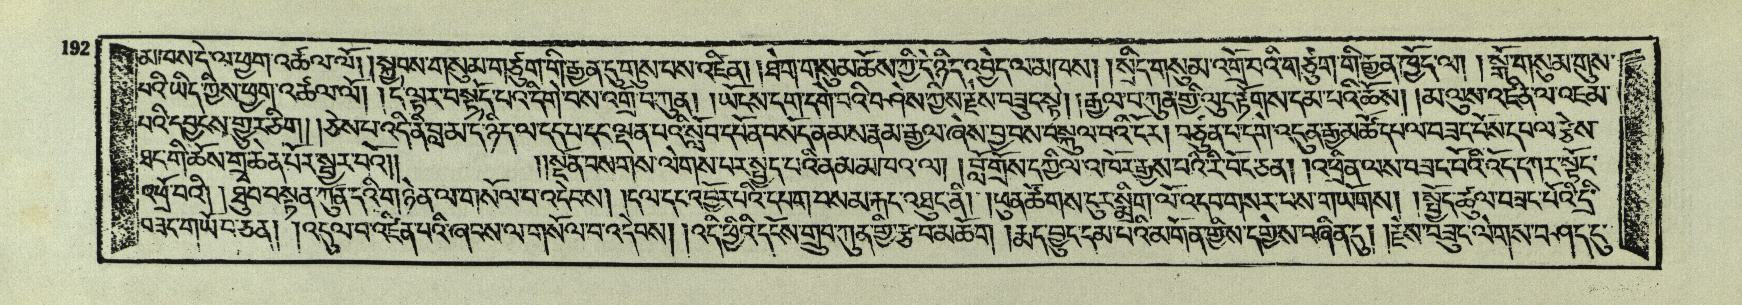མཁས་དེ་ལ་ཕྱག་འཚལ་ལོ། །སྐྱབས་གསུམ་གཙུག་གི་རྒྱན་དུ་གུས་པས་འཇིན། །ཐེག་གསུམ་ཆོས་ཀྱི་དེ་ཉིད་འབྱེད་ལ་མཁས། །སྲིད་གསུམ་འགྲོ་བའི་གཙུག་གི་རྒྱན་ཁྱོད་ལ། །སྒོ་གསུམ་གུས་
པའི་ཡིད་ཀྱིས་ཕྱག་འཚལ་ལོ། །དེ་ལྟར་བསྟོད་པའི་དགེ་བས་འགྲོ་བ་ཀུན། །ཡོངས་དག་དགེ་བའི་བཤེས་ཀྱིས་རྗེས་བཟུང་སྟེ། །རྒྱལ་བ་ཀུན་གྱི་ལུང་རྟོགས་དམ་པའི་ཆོས། །མ་ལུས་འཛིན་ལ་འཇམ་
པའི་དབྱངས་གྱུར་ཅིག། །ཅེས་པ་འདི་ནི་བླ་མ་ད་ཉིད་ལ་དད་པ་དང་ལྡན་པའི་སློབ་དཔོན་བསོད་ནམས་རྣམ་རྒྱལ་ཞེས་བྱ་བས་བསྐུལ་བའི་དོར། བཙུན་པ་དགེ་འདུན་རྒྱ་མཚོ་དཔལ་བཟང་པོས་དཔལ་རྩེས་
ཐང་གི་ཆོས་གྲྭ་ཆེན་པོར་སྦྱར་བའོ།། །།སྔོན་བསགས་ལེགས་པར་སྤྱད་པའི་ནམ་མཁའ་ལ། །བློ་གྲོས་དཀྱིལ་འཁོར་རྒྱས་པའི་རི་བོང་ཅན། །འཕྲིན་ལས་བཟང་པོའི་འོད་དཀར་སྟོང་
འཕྲོ་བའི། །ཐུབ་བསྟན་ཀུན་དའི་གཉེན་ལ་གསོལ་བ་འདེབས། །དལ་དང་འབྱོར་པའི་དཔག་བསམ་རྐང་འཐུང་ནི། །ཕུན་ཚོགས་དུར་སྨྲིག་ལོ་འདབ་གསར་པས་གཡོགས། །སྤྱོད་ཚུལ་བཟང་པོའི་དྲི་
བཟང་གཡོ་བ་ཅན། །འདུལ་བ་འཛིན་པའི་ཞབས་ལ་གསོལ་བ་འདེབས། །འདི་ཕྱིའི་དངོས་གྲུབ་ཀུན་གྱི་རྩ་བ་མཆོག །རྨད་བྱུང་དམ་པའི་མགོན་གྱིས་དགྱེས་བཞིན་དུ། །རྗེས་བཟུང་ལེགས་བཤད་དུ་